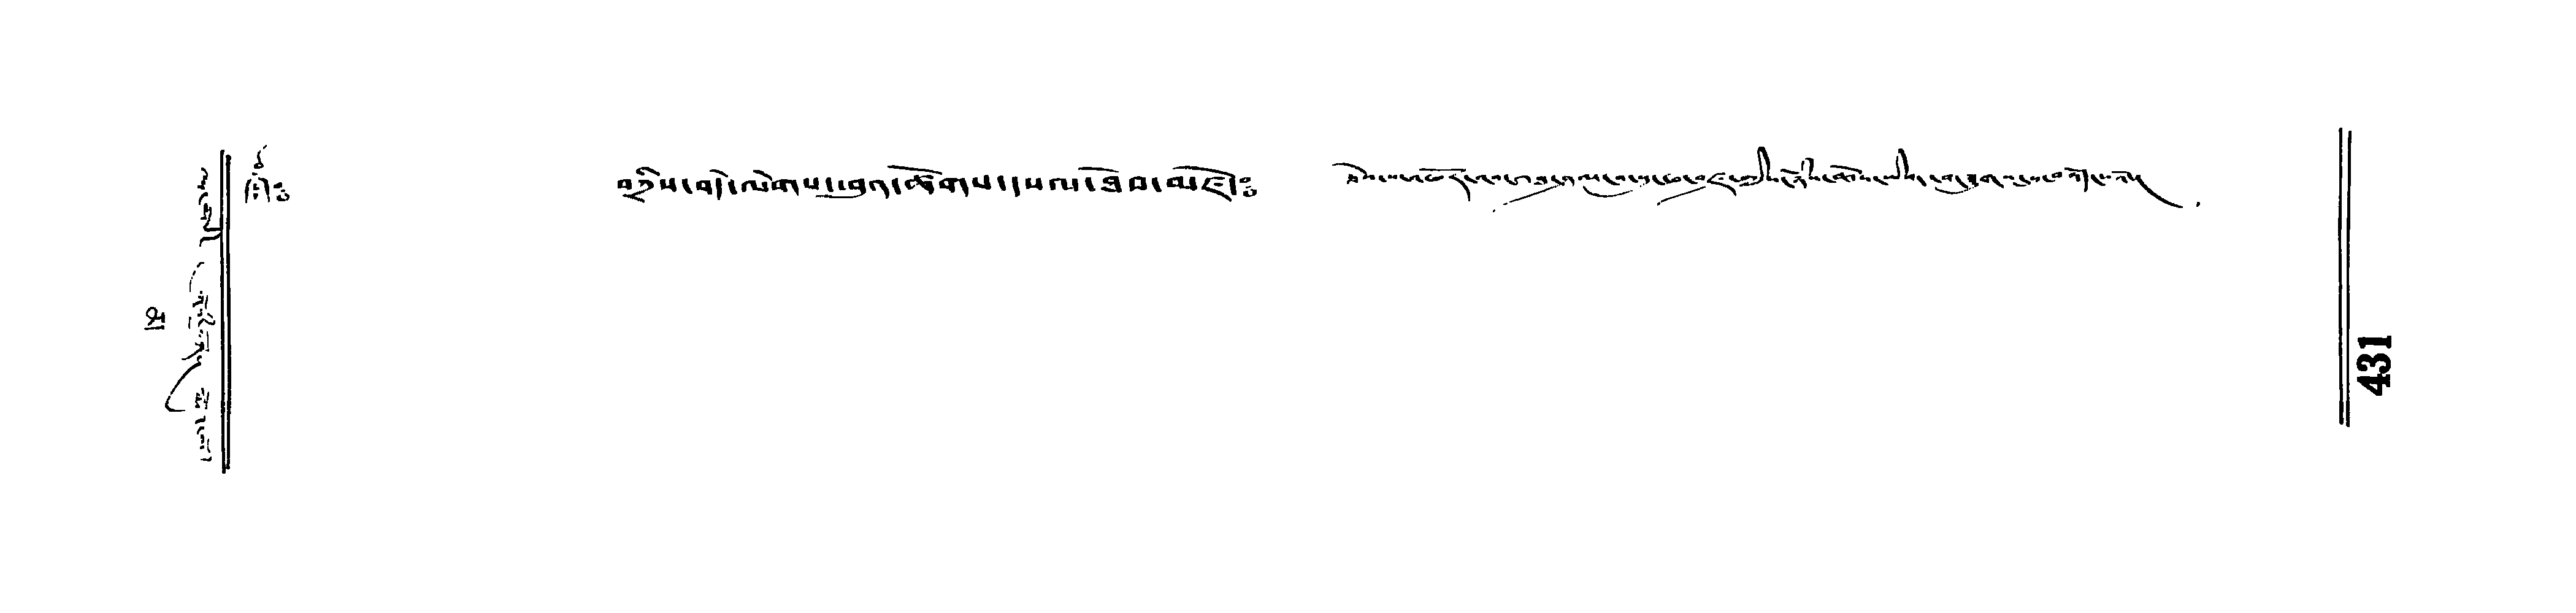བཀྲ་ཤིས་བདེ་ལེགས་ཕུན་ཚོགས་དཔལ་ཐོབ་མཛོད༔ ཅེས་པ་འཁོར་འབངས་ཐ་ཤལ་བ་སུ་ཁ་བཛྲ་གྱིས་ཉམས་ཆོས་ཡིག་གཟུགས་སུ་བཀོད་པའོ།